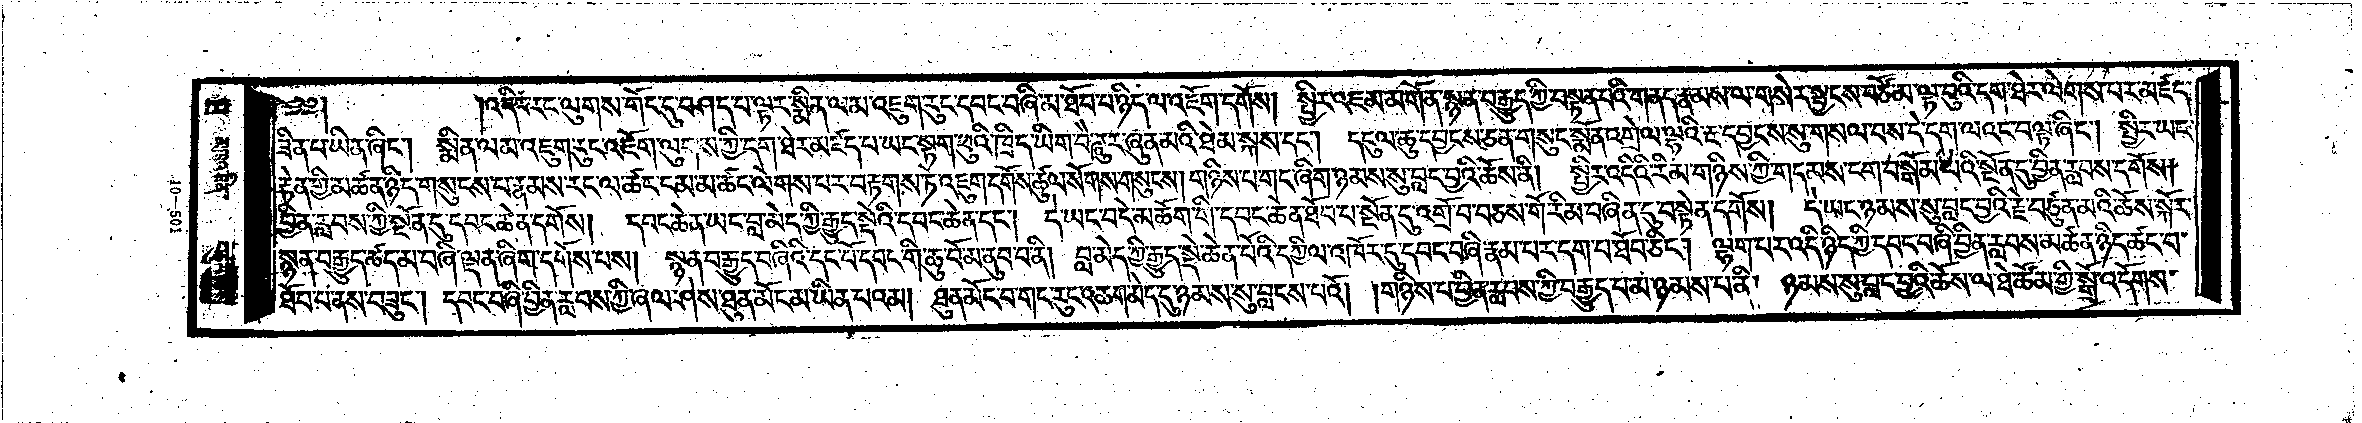༄༅། །འདིར་རང་ལུགས་གོང་དུ་བཤད་པ་ལྟར་སྨིན་ལམ་འཇུག་རུང་དབང་བཞི་མ་ཐོབ་བ་ཉིད་ལ་འཇོག་དགོས། སྤྱིར་འཇམ་མགོན་སྙན་བརྒྱུད་ཀྱི་བསྟན་པའི་གནད་རྣམས་ལ་གསེར་སྦྱངས་བཙོམ་ལྟ་བུའི་དག་ཐེར་ལེགས་པར་མཛད་
ཟིན་པ་ཡིན་ཞིང་། སྨིན་ལམ་འཇུག་རུང་འཇོག་ལུགས་ཀྱི་དག་ཐེར་མཛད་པ་ཡང་སྟག་ཕུའི་ཁྲིད་ཡིག་བཻ་ཌཱུར་ཞུན་མའི་ཐེམ་སྐས་དང་། དངུལ་ཆུ་དབྱངས་ཅན་གསུང་སྨོན་འགྲེལ་ལྷའི་རྔ་དབྱངས་སུ་གསལ་བས་དེ་དག་ལའང་བལྟ་ཞིང་། སྤྱིར་ཡང་
རྟེན་གྱི་མཚན་ཉིད་གསུངས་པ་རྣམས་རང་ལ་ཚང་ངམ་མ་ཚང་ལེགས་པར་བརྟགས་ཏེ་འཇུག་དགོས་ཚུལ་སོགས་གསུངས། གཉིས་པ་གང་ཞིག་ཉམས་སུ་བླང་བྱའི་ཆོས་ནི། སྤྱིར་འདིའི་རིམ་གཉིས་ཀྱི་གདམས་ངག་བསྒོམ་པའི་སྔོན་དུ་ཕྱིན་རླབས་དགོས།
བྱིན་རླབས་ཀྱི་སྔོན་དུ་དབང་ཆེན་དགོས། དབང་ཆེན་ཡང་བླ་མེད་ཀྱི་རྒྱུད་སྡེའི་དབང་ཆེན་དང་། དེ་ཡང་བདེ་མཆོག་གི་དབང་ཆེན་ཐོབ་པ་སྔོན་དུ་འགྲོ་བ་བཅས་གོ་རིམ་བཞིན་དུ་བསྟེན་དགོས། དེ་ཡང་ཉམས་སུ་བླང་བྱའི་རྗེ་བཙུན་མའི་ཆོས་སྒོར་
སྙན་བརྒྱུད་ཚད་མ་བཞི་ལྡན་ཞིག་དགོས་པས། སྙན་བརྒྱུད་བཞིའི་དང་པོ་དབང་གི་ཆུ་བོ་མ་ནུབ་པ་ནི། བླ་མེད་ཀྱི་རྒྱུད་སྡེ་ཆེན་པོའི་དཀྱིལ་འཁོར་དུ་དབང་བཞི་རྣམ་པར་དག་པ་ཐོབ་ཅིང་། ལྷག་པར་འདི་ཉིད་ཀྱི་དབང་བཞི་བྱིན་རླབས་མཚན་ཉིད་ཚང་བ་
ཐོབ་པ་ནས་བཟུང་། དབང་བཞི་བྱིན་རླབས་ཀྱི་ཞལ་ཤེས་ཐུན་མོང་མ་ཡིན་པའམ། ཐུན་མོང་བ་གང་རུང་འཆག་མེད་དུ་ཉམས་སུ་བླངས་པའོ། །གཉིས་པ་བྱིན་རླབས་ཀྱི་བརྒྱུད་པ་མ་ཉམས་པ་ནི། ཉམས་སུ་བླང་བྱའི་ཆོས་ལ་ཐེ་ཚོམ་གྱི་སྒྲོ་འདོགས་